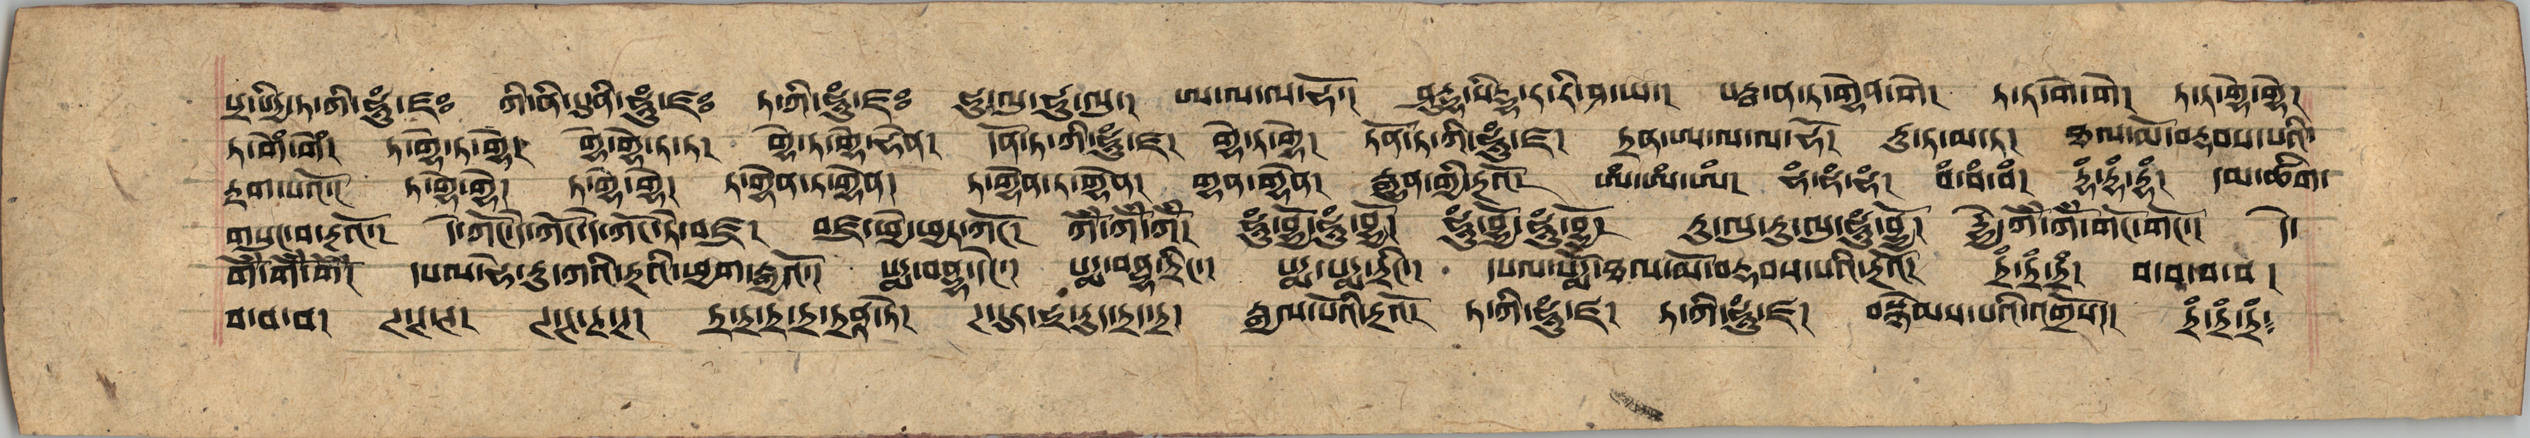པྲ་པིདྱ་ཏ་ཀི་ཧཱུཾ་ཛཿ ཀི་ནི་དུ་ནི་ཧཱུཾ་ཛཿ ཏ་ཀི་ཧཱུཾ་ཛཿ ཧུ་ལུ་ཧུ་ལུ་། ཨ་ལ་ལ་ཧོ་། ཤུདྡྷ་སིདྡྷ་ར་རི་ཤ་ཡ་། སརྦ་ན་ཏ་་གྷེན་གེ། ཏ་ཏ་གེ་གེ། ཏ་ཏ་གྷེ་གྷེ།
ཏ་གེཾ་གེཾ། ཏ་གྷེ་ཏ་གྷེ། གྷེ་གྷེ་ཏ་ཏ། གྷེ་ཏ་གྷེ་ཧེན། དོན་ཏ་ཀི་ཧཱུཾ་ཛ། གྷེ་ཏ་གྷེ། ཏོན་ཏ་ཀི་ཧཱུཾ་ཛ། ཏྲན་ཨ་ལ་ལ་ཧོ། ཏུ་ཏ་མ་ཏ། ཐལ་མོ་བརྡབས་པའི་
རྟག་པའོ་། ཏ་གྷེ་གྷེ། ད་གྷེ་གྷེ། ཏ་གྷེན་ཏ་གྷེན། ཏ་གྷེན་ཏ་གྷེན། གྷན་གྷེན། རྒྱུན་གྱི་རྔའོ་། ཨཾ་ཨཾ་ཨཾ། ཧཾ་ཧཾ་ཧཾ། བཾ་བཾ་བཾ། དྡྷཾ་དྡྷཾ་དྡྷཾ། དམ་ཚིག་
གསུང་བ་རྔའོ།། དེ་ཀོང་དེ་ཀོང་དེ་ཀོང་ཏེ་བཛྲ། བཛྲ་ཕྱེ་ཕྱར་ཀོང། ཀོཾ་ཀོཾ་ཀོཾ། ཧཱུཾ་བྷྱོ་ཧཱུཾ་བྷྱོ། ཧཱུཾ་བྷྱོ་ཧཱུཾ་བྷྱོ། རུ་ལུ་རུ་ལུ་ཧཱུཾ་བྷྱོ། དྷྱེ་གོཾ་གོཾ་གོང་གོང་། དེ་
གོཾ་གོཾ་གོཾ། དཔལ་ཧེ་རུ་ཀའི་རྔའི་ཕྱག་རྒྱའོ་། པདྨ་བནྡྷ་དེང་། པདྨ་བནྡྷ་ཏྲིང་། པདྨ་པདྨ་ཏྲིང་། དཔལ་པདྨོ་ཐལ་མོ་བརྡབས་པའི་རྔའོ་། ཏྲཾ་ཏྲཾ་ཏྲཾ། བ་བཱ་བ་བ།
བ་བ་བ། ཊ་ཊ་ཊ། ཊ་ཊ་ཊ་ཊ། ཏྲ་ཏྲ་ཏྲ་ཏྲ་ཏྲནཱ་ཏེ། ཊ་དུར་ཧྲ་ཏུད་ཏྲད་ཏྲ། རྒྱལ་པོའི་རྔའོ། ཏ་ཀི་ཧཱུཾ་ཛ། ཏ་ཀི་ཧཱུཾ་ཛ། བསྙེམས་པའི་འགྲོས།།། ཏྲཾ་ཏྲཾ་ཏྲཾ༴